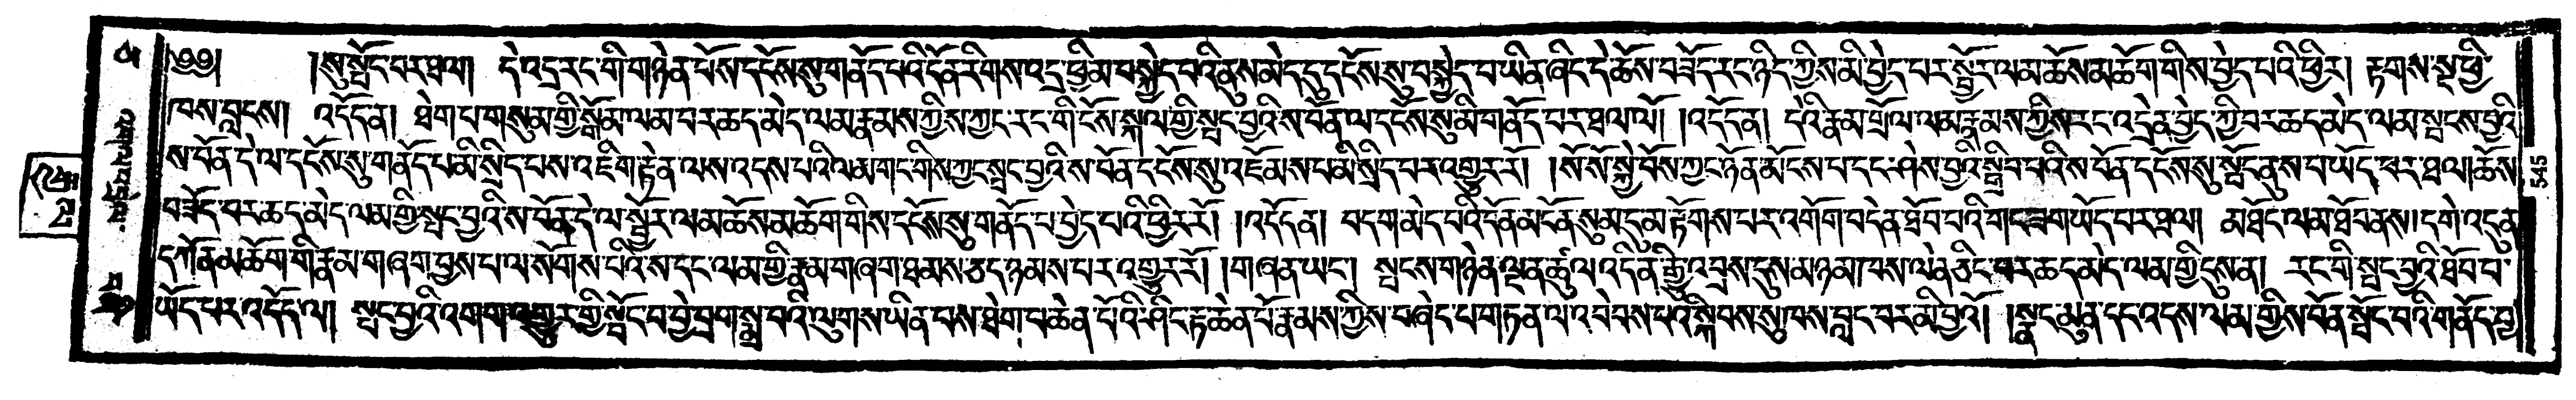༄༅། །སུ་སྤོང་བར་ཐལ། དེ་འདྲ་རང་གི་གཉེན་པོས་དངོས་སུ་གནོད་པའི་དོན་རིགས་འདྲ་ཕྱི་མ་བསྐྱེད་པའི་ནུས་མེད་དུ་དངོས་སུ་བསྐྱེད་པ་ཡིན་ཞིང་དེ་ཆོས་བཟོད་རང་ཉིད་ཀྱིས་མི་བྱེད་པར་སྦྱོར་ལམ་ཆོས་མཆོག་གིས་བྱེད་པའི་ཕྱིར། རྟགས་སྔ་ཕྱི་
ཁས་བླངས། འདོད་ན། ཐེག་པ་གསུམ་གྱི་སྒོམ་ལམ་བར་ཆད་མེད་ལམ་རྣམས་ཀྱིས་ཀྱང་རང་གི་ངོས་སྐལ་གྱི་སྤང་བྱའི་ས་བོན་ལ་དངོས་སུ་མི་གནོད་པར་ཐལ་ལོ། །འདོད་ན། དེའི་རྣམ་གྲོལ་ལམ་རྣམས་ཀྱིས་རང་འདྲེན་བྱེད་ཀྱི་བར་ཆད་མེད་ལམ་སྤངས་བྱའི་
ས་བོན་དེ་ལ་དངོས་སུ་གནོད་པ་མི་སྲིད་པས་འཇིག་རྟེན་ལས་འདས་པའི་ལམ་གང་གིས་ཀྱང་སྤང་བྱའི་ས་བོན་དངོས་སུ་འཇོམས་པ་མི་སྲིད་པར་འགྱུར་རོ། །སོ་སོ་སྐྱེ་བོས་ཀྱང་ཉོན་མོངས་པ་དང་ཤེས་བྱའི་སྒྲིབ་པའི་ས་བོན་དངོས་སུ་སྤོང་ནུས་པ་ཡོད་པར་ཐལ། ཆོས་
བཟོད་བར་ཆད་མེད་ལམ་གྱི་སྤང་བྱའི་ས་བོན་དེ་ལ་སྦྱོར་ལམ་ཆོས་མཆོག་གིས་དངོས་སུ་གནོད་པ་བྱེད་པའི་ཕྱིར་རོ། །འདོད་ན། བདག་མེད་པའི་དོན་མངོན་སུམ་དུ་མ་རྟོགས་པར་འགོག་བདེན་ཐོབ་པའི་གང་ཟག་ཡོད་པར་ཐལ། མཐོང་ལམ་ཐོབ་ནས། དགེ་འདུན་
དཀོན་མཆོག་གི་རྣམ་གཞག་བྱས་པ་ལ་སོགས་པའི་ས་དང་ལམ་གྱི་རྣམ་གཞག་ཐམས་ཅད་ཉམས་པར་འགྱུར་རོ། །གཞན་ཡང་། སྤངས་གཉེན་ལྡན་ཚུལ་འདི་ནི་རྒྱུ་འབྲས་དུས་མཉམ་ཁས་ལེན་ཅིང་བར་ཆད་མེད་ལམ་གྱི་དུས་ན། རང་གི་སྤང་བྱའི་ཐོབ་པ་
ཡོད་པར་འདོད་ལ། སྤང་བྱའི་འགག་འགྱུར་གྱི་སྤོང་བ་བྱེ་བྲག་སྨྲ་བའི་ལུགས་ཡིན་པས་ཐེག་པ་ཆེན་པོའི་ཤིང་རྟ་ཆེན་པོ་རྣམས་ཀྱིས་བཞེད་པ་གཏན་ལ་འབེབས་པའི་སྐབས་སུ་ཁས་བླང་བར་མི་བྱའོ། །སྣང་མུན་དང་འདས་ལམ་གྱི་ས་བོན་སྤོང་བའི་གནོད་བྱ་